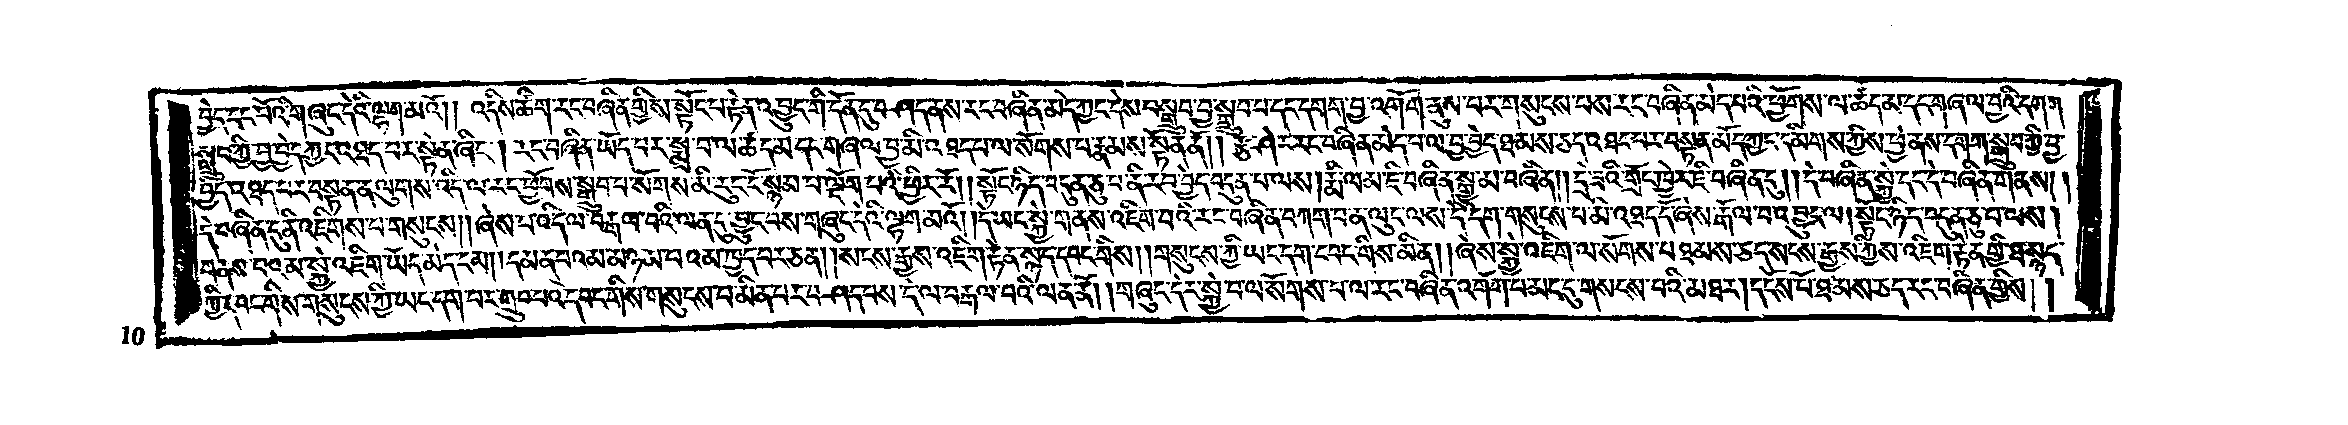བྱེད་དང་པོའི་གཞུང་དེའི་ལྷག་མའོ། །འདིས་ཚིག་རང་བཞིན་གྱིས་སྟོང་པ་རྟེན་འབྱུང་གི་དོན་དུ་བཤད་ནས་རང་བཞིན་མེད་ཀྱང་དེས་བསྒྲུབ་བྱ་སྒྲུབ་པ་དང་དགག་བྱ་འགོག་ནུས་པར་གསུངས་པས་རབ་བཞིན་མེད་པའི་ཕྱོགས་ལ་ཚད་མ་དང་གཞལ་བྱའི་དགག་
སྒྲུབ་ཀྱི་བྱ་བྱེད་ཀྱང་འཐད་པར་སྟེན་ཞིང་། རང་བཞིན་ཡོད་པར་སྨྲ་བ་ལ་ཚད་མ་དང་གཞལ་བྱ་མི་འཐད་པ་ལ་སོགས་པ་རྣམས་སྟོན་ནོ། །རྩ་ཤེར་རང་བཞིན་མེད་པ་ལ་བྱ་བྱེད་ཐམས་ཅད་འཐད་པར་བསྟན་མོད་ཀྱང་དམིགས་ཀྱིས་ཕྱེ་ན་དགག་སྒྲུབ་ཀྱི་བྱ་
བྱེད་འཐད་པར་བསྟན་ན་ལུགས་འདི་ལ་རང་ཕྱོགས་སྒྲུབ་པ་སོགས་མི་རུང་ངོ་སྙམ་པ་ལྡོག་པའི་ཕྱིར་རོ། །སྟོང་ཉིད་བདུན་ཅུ་པ་ནི་རབ་བྱེད་བདུན་པ་ལས། རྨི་ལམ་ཇི་བཞིན་སྒྱུར་མ་བཞིན། །དྲི་ཟའི་གྲོང་ཁྱེར་ཇི་བཞིན་དུ། །དེ་བཞིན་སྐྱེ་དང་དེ་བཞིན་གནས།
དེ་བཞིན་དུ་ནི་འཇིགས་པ་གསུངས། །ཞེས་པ་འདི་ལ་བརྒལ་བའི་ལན་དུ་བྱུང་བས་གཞུང་དེའི་ལྷག་མའོ། །དེ་ཡང་སྐྱེ་གནས་འཇིག་པའི་རང་བཞིན་བཀག་པ་ན་ལུང་ལས་དེ་དག་གསུངས་པ་མི་འཐད་དོ་ཞེས་རྒོལ་བ་འབྱུང་ལ། སྟོང་ཉིད་བདུན་ཅུ་པ་ལས།
གནས་པའམ་སྐྱེ་འཇིག་ཡོད་མེད་དམ། །དམན་པའམ་མཉམ་པའམ་ཁྱད་པར་ཅན། །སངས་རྒྱས་འཇིག་རྟེན་སྙད་དབང་གིས། །གསུངས་ཀྱི་ཡང་དག་དབང་གིས་མིན། །ཞེས་སྐྱེ་འཇིག་ལ་སོགས་པ་ཐམས་ཅད་སངས་རྒྱ་ཀྱིས་འཇིག་རྟེན་གྱི་ཐ་སྙད་
ཀྱི་དབང་གིས་གསུངས་ཀྱི་ཡང་དག་པར་གྲུབ་པའི་དབང་གིས་གསུངས་པ་མིན་པར་བཤད་པས་དེ་ལ་བརྒལ་བའི་ལན་ནོ། །གཞུང་དེར་སྐྱེ་བ་ལ་སོགས་པ་ལ་རང་བཞིན་འགོག་པ་མང་དུ་གསུངས་པའི་མཐར། དངོས་པོ་ཐམས་ཅད་རང་བཞིན་གྱིས། །